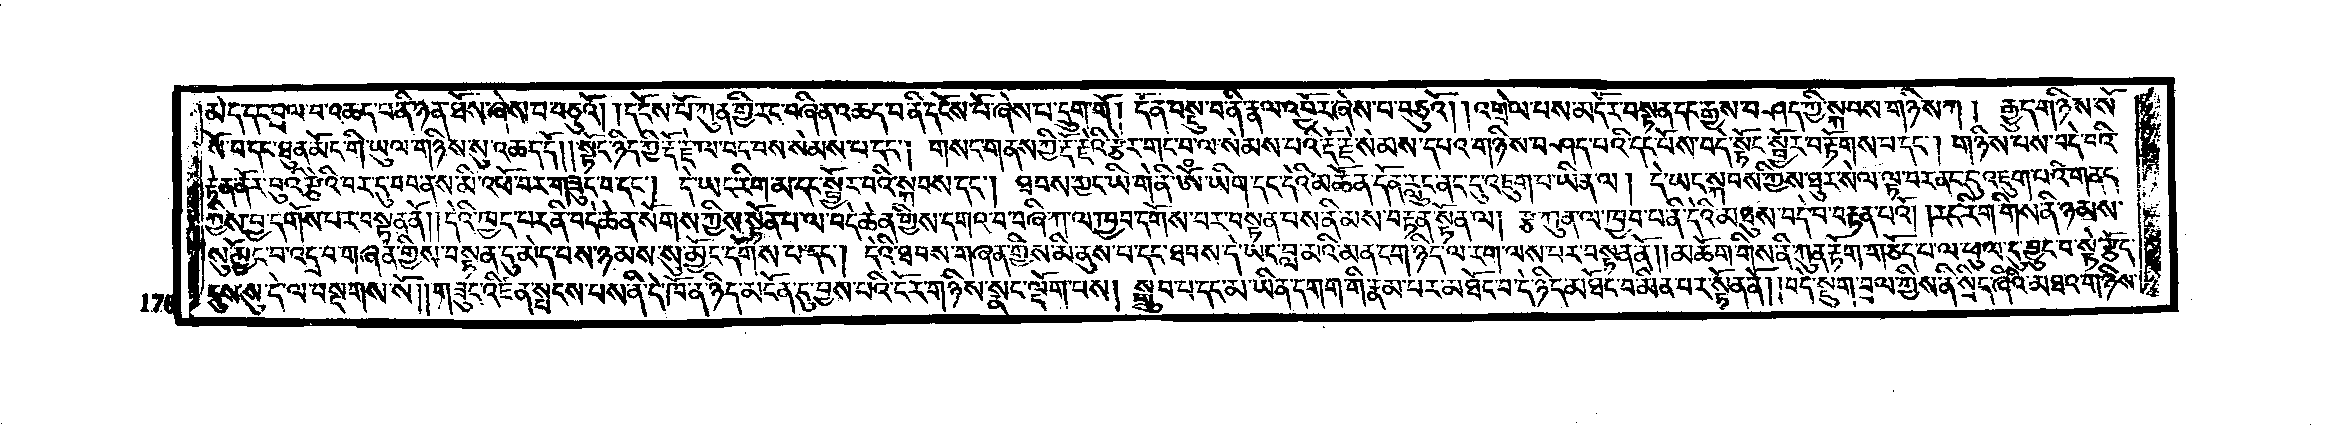མེད་དང་བྲལ་བ་འཆད་པ་ནི་ཉན་ཐོས་ཞེས་པ་བཅུའོ། །དངོས་པོ་ཀུན་གྱི་རང་བཞིན་འཆད་པ་ནི་དངོས་པོ་ཞེས་པ་དྲུག་གོ །དོན་བསྡུ་བ་ནི་རྣལ་འབྱོར་ཞེས་པ་བཅུའོ། །འགྲེལ་པས་མདོར་བསྟན་དང་རྒྱས་བཤད་ཀྱི་སྐབས་གཉིས་ཀ། རྒྱུད་གཉིས་སོ་
སོ་བ་དང་ཐུན་མོང་གི་ཡུལ་གཉིས་སུ་འཆད་དོ། །སྟོང་ཉིད་ཀྱི་རྡོ་རྗེ་ལ་བད་བས་སེམས་པ་དང་། གསང་གནས་ཀྱི་རྡོ་རྗེའི་རྩེར་གང་བ་ལ་སེམས་པའི་རྡོ་རྗེ་སེམས་དཔའ་གཉིས་བཤད་པའི་དང་པོས་བདེ་སྟོང་སྦྱོར་བ་རྟོགས་པ་དང་། གཉིས་པས་བདེ་བའི་
རྟེན་ནོར་བུའི་རྩེའི་བར་དུ་བབ་ནས་མི་འཕོ་བར་གཟུང་བ་དང་། དེ་ཡང་རིག་མ་དང་སྦྱོར་བའི་སྐབས་དང་། ཐབས་ཀྱང་ཡི་གེ་ནི་ཨོཾ་ཡིག་དང་དེའི་མཚོན་དོན་རླུང་ནང་དུ་འཇུག་པ་ཡིན་ལ། དེ་ཡང་སྐབས་ཀྱིས་ཐུར་སེལ་ལྟེ་བར་ནང་དུ་འཇུག་པའི་གནད་
ཀྱིས་བྱ་དགོས་པར་བསྟན་ནོ། །དེའི་ཁྱད་པར་ནི་བདེ་ཆེན་སོགས་ཀྱིས་སྟོན་པ་ལ་བདེ་ཆེན་གྱིས་དགའ་བ་བཞི་ཀ་ལ་ཁྱབ་དགོས་པར་བསྟན་པས་ནི་མས་བརྟན་སྟོན་ལ། རྩ་ཀུན་ལ་ཁྱབ་པ་ནི་དེའི་མཐུས་བདེ་བ་བརྟན་པའོ། །རང་རིག་གིས་ནི་ཉམས་
སུ་མྱོང་བ་འདྲ་བ་གཞན་གྱིས་བསྟན་དུ་མེད་པས་ཉམས་སུ་མྱོང་དགོས་པ་དང་། དེའི་ཐབས་གཞན་གྱིས་མི་ནུས་པ་དང་ཐབས་དེ་ཡང་བླ་མའི་མན་ངག་ཉིད་ལ་རག་ལས་པར་བསྟན་ནོ། །མཆོག་གིས་ནི་ཀུན་རྟོག་གཅོད་པ་ལ་ཕུལ་དུ་བྱུང་བ་སྟེ་རྩོད་
དུས་སུ་དེ་ལ་བསྔགས་སོ། །གཟུང་འཛིན་སྤངས་པས་ནི་དེ་ཁོ་ན་ཉིད་མངོན་དུ་བྱས་པའི་ངོར་གཉིས་སྣང་ལྡོག་པས། སྒྲུབ་པ་དང་མ་ཡིན་དགག་གི་རྣམ་པར་མཐོང་བ་དེ་ཉིད་མཐོང་བ་མིན་པར་སྟོན་ནོ། །བདེ་སྡུག་བྲལ་གྱིས་ནི་སྲིད་ཞིའི་མཐའ་གཉིས་